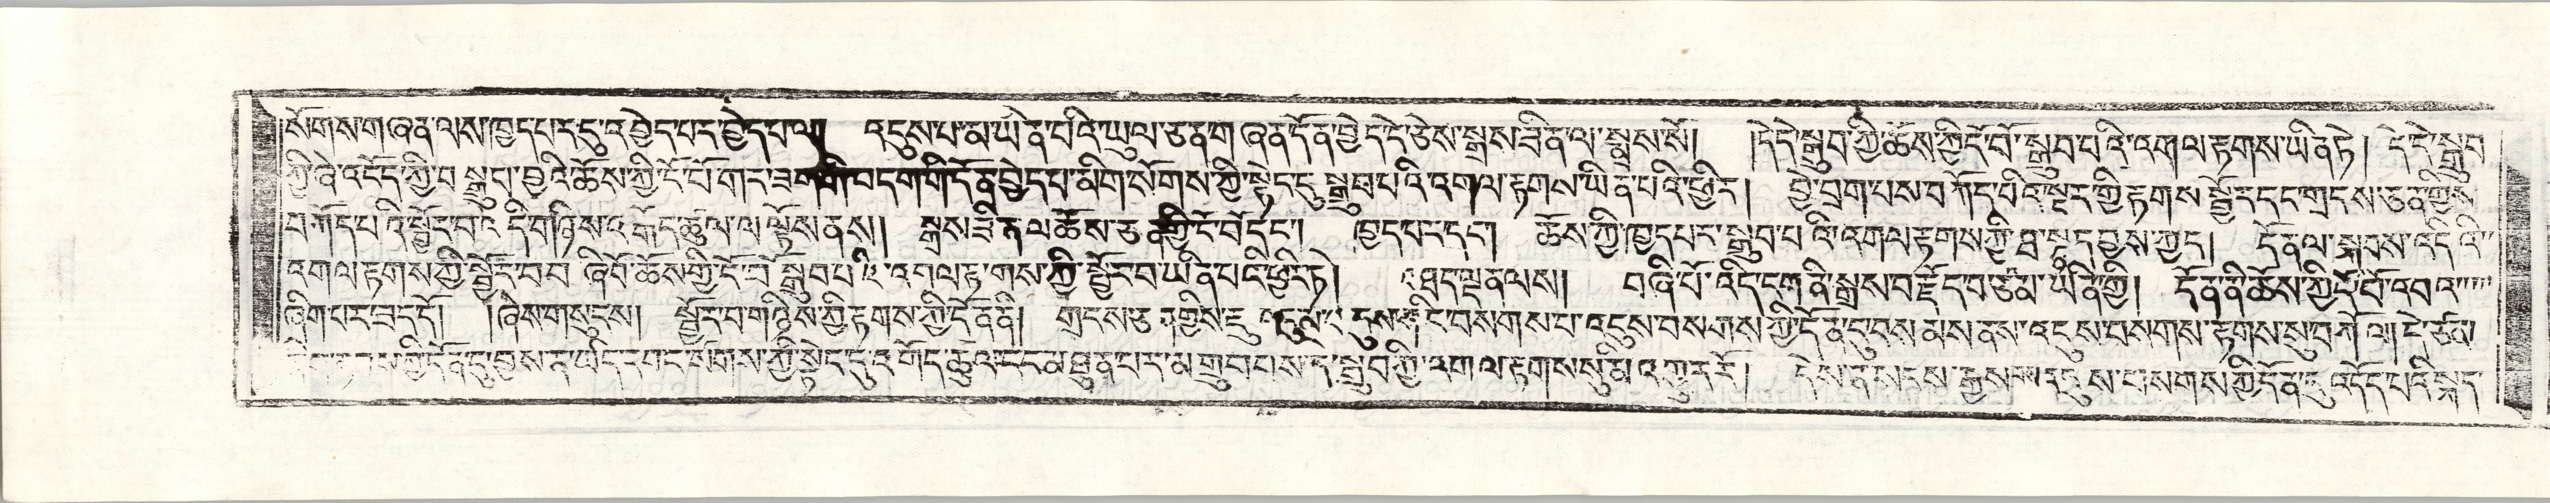སོགས་གཞན་ལས་ཁྱད་པར་དུ་འབྱེད་པར་བྱེད་པ་ལ། འདུས་པ་མ་ཡིན་པའི་ཡུལ་ཅན་གཞན་དོན་བྱེད་དེ་ཞེས་སྒྲས་ཟིན་ལ་སྨྲས་སོ། དེ་དེ་སྒྲུབ་ཀྱི་ཆོས་ཀྱི་ངོ་བོ་སྒྲུབ་པའི་འགལ་རྟགས་ཡིན་ཏེ། དེ་དེ་སྒྲུབ་ཀྱི་༄༅།།ཞེ་འདོད་ཀྱི་བསྒྲུབ་བྱའི་ཆོས་ཀྱི་ངོ་བོ་གང་ཟག་གི་བདག་གི་དོན་བྱེད་པ་མིག་སོགས་ཀྱི་སྟེང་དུ་སྒྲུབ་པའི་འགལ་རྟགས་ཡིན་པའི་ཕྱིར། བྱེ་བྲག་པས་བཀོད་པའི་སྔར་གྱི་རྟགས་སྦྱོར་དང་གྲངས་ཅན་གྱིས་བཀོད་པའི་སྦྱོར་བ་འདི་གཉིས་འགོད་ཚུལ་
ལ་ལྟོས་ནས། སྒྲས་ཟིན་ལ་ཆོས་ཅན་གྱི་ངོ་བོ་དང་། ཁྱད་པར་དང་། ཆོས་ཀྱི་ཁྱད་པར་སྒྲུབ་པའི་འགལ་རྟགས་ཀྱི་ཐ་སྙད་བྱས་ཀྱང་། དོན་ལ་སྐབས་འདིའི་འགལ་རྟགས་ཀྱི་སྦྱོར་བ་བཞི་བོ་ཆོས་ཀྱི་ངོ་བོ་སྒྲུབ་པའི་འགལ་རྟགས་ཀྱི་སྦྱོར་བ་ཡིན་པའི་ཕྱིར་ཏེ། འཐད་
ལྡན་ལས། བཞི་བོ་འདི་དག་ནི་སྒྲས་བརྗོད་པ་ཙམ་ཡིན་གྱི། དོན་ནི་ཆོས་ཀྱི་ངོ་བོ་འབའ་ཞིག་པར་ཟད་དོ། ཞེས་གསུངས། སྦྱོར་བ་གཉིས་ཀྱི་རྟགས་ཀྱི་དོན་ནི། གྲངས་ཅན་གྱིས་རྡུལ་དུ་མ་འདུས་ཤིང་བསགས་པ་འདུས་བསགས་ཀྱི་དོན་དུ་བསམས་ནས་འདུས་
བསགས་རྟགས་སུ་བཀོད་ལ།དེ་ཙམ་ཞིག་རྟགས་ཀྱི་དོན་དུ་བྱས་ན་ཡིད་དབང་སོགས་ཀྱི་སྟེང་དུ་འགོད་ཚུལ་དང་མཐུན་པར་མ་གྲུབ་པས་དེ་སྒྲུབ་ཀྱི་འགལ་རྟགས་སུ་མི་འགྱུར་རོ། །དེས་ན་སངས་རྒྱས་པས་འདུས་བསགས་ཀྱི་དོན་དུ་འདོད་པའི་སྐད་